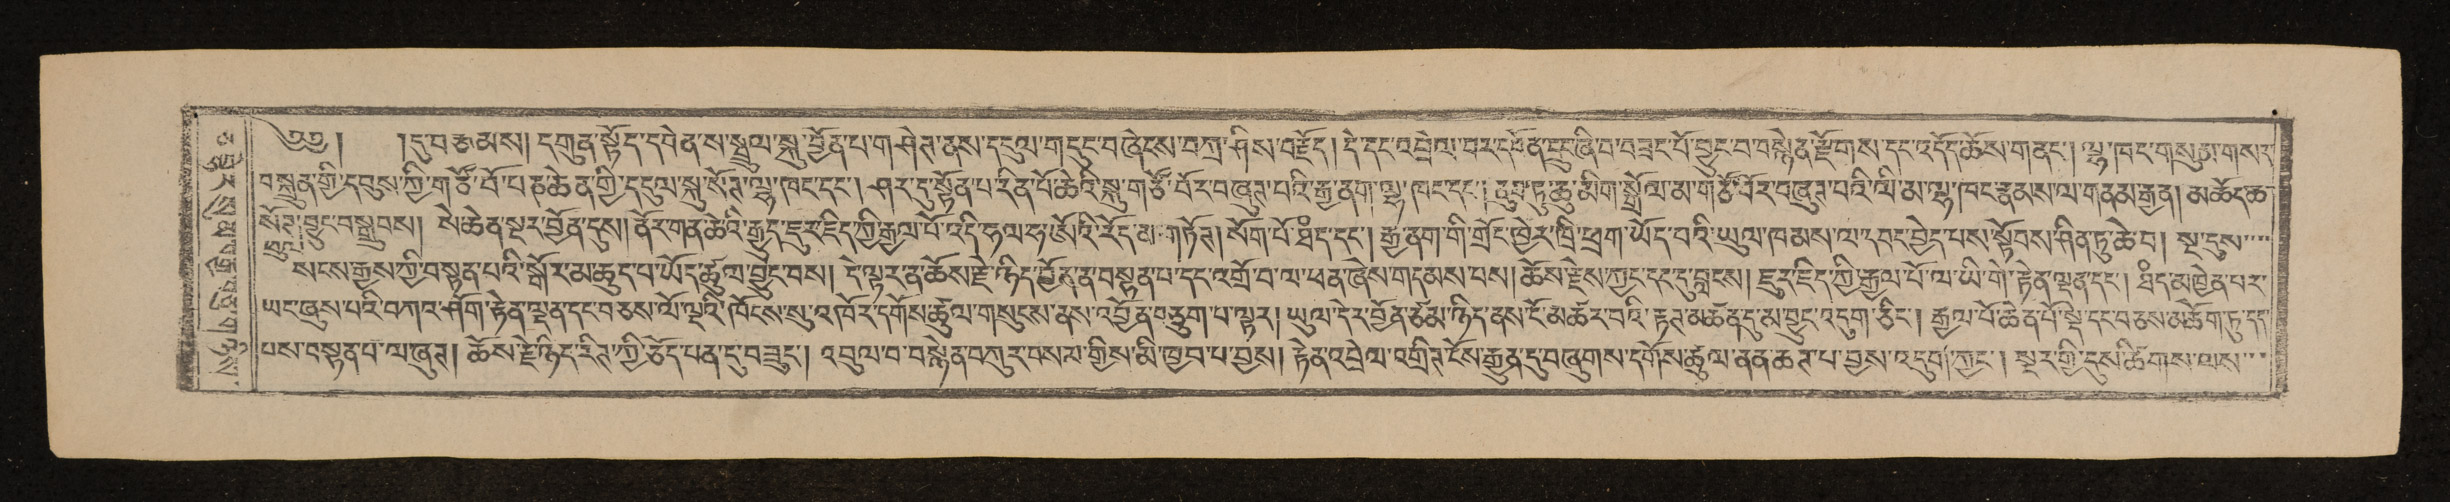༄༅། །དུ་བརྩམས། དགུན་སྟོད་དབེན་ས་སྤྲུལ་སྐུ་བྱོན་པ་གཤེགས་ནས་དངུལ་གདུང་བཞེངས་བཀྲ་ཤིས་བརྗོད། དེ་དང་འབྲེལ་བར་དཔོན་དྲུང་ཞི་བ་བཟང་པོ་བྱུང་བ་བསྙེན་རྫོགས་དང་འདོད་ཆོས་གནང་། ལྷ་ཁང་གསུམ་གསར་བསྐྲུན་
གྱི་དབུས་ཀྱི་གཙོ་བོ་པཎ་ཆེན་གྱི་དངུལ་སྐུ་སོགས་ལྷ་ཁང་དང་། ཤར་དུ་སྟོན་པ་རིན་པོ་ཆེའི་སྐུ་གཙོ་བོར་བཞུགས་པའི་རྒྱ་ནག་ལྷ་ཁང་དང་། ནུབ་ཏུ་ཆུ་མིག་སྒྲོལ་མ་གཙོ་བོར་བཞུགས་པའི་ལི་མ་ལྷ་ཁང་རྣམས་ལ་གནམ་རྒྱན། མཆོད་ཆ་སོགས་ཕུལ་
བྱུང་བསྒྲུབས། སེ་ཆེན་སྔར་བྱོན་དུས། ནོར་གན་ཆེའི་རྒྱུད་ཇུར་ཇིད་ཀྱི་རྒྱལ་པོ་འདི་ཧལ་ཧ་ཨོའི་རོད་མ་གཏོགས། སོག་པོ་ཐམས་ཅད་དང་། རྒྱ་ནག་གི་གྲོང་ཁྱེར་ཁྲི་ཕྲག་ཡོད་པའི་ཡུལ་ཁམས་ལ་དབང་བྱེད་པས་སྟོབས་ཤིན་ཏུ་ཆེ་བ། སྔ་དུས་
སངས་རྒྱས་ཀྱི་བསྟན་པའི་སྒོར་མ་ཆུད་པ་ཡོད་ཚུལ་བྱུང་བས། དེ་ལྟར་ན་ཆོས་རྗེ་ཉིད་བྱོན་ན་བསྟན་པ་དང་འགྲོ་བ་ལ་ཕན་ཞེས་གདམས་པས། ཆོས་རྗེས་ཀྱང་དང་དུ་བླངས། ཇུར་ཇིད་ཀྱི་རྒྱལ་པོ་ལ་ཡི་གེ་རྟེན་ལྡན་དང་། ཐམས་ཅད་མཁྱེན་པར་ཡང་
ཞུས་པའི་བཀའ་ཤོག་རྟེན་ལྡན་དང་བཅས་ལོ་ལྔའི་ཁོངས་སུ་འཁོར་དགོས་ཚུལ་གསུངས་ནས་འབྱོན་བཅུག་པ་ལྟར། ཡུལ་དེར་བྱོན་ཙམ་ཉིད་ནས་ངོ་མཚར་བའི་རྟགས་མཚན་དུ་མ་བྱུང་འདུག་ཅིང་། རྒྱལ་པོ་ཆེན་པོ་སྡེ་དང་བཅས་མཆོག་ཏུ་དད་
པས་བསྟན་པ་ལ་ཞུགས། ཆོས་རྗེ་ཉིད་རིགས་ཀྱི་ཅོད་པན་དུ་བཟུང་། འབུལ་བ་བསྙེན་བཀུར་བསམ་གྱིས་མི་ཁྱབ་པ་བྱས། རྟེན་འབྲེལ་འགྲིགས་ངོས་རྒྱུན་དུ་བཞུགས་དགོས་ཚུལ་ནན་ཆགས་པ་བྱས་འདུག་ཀྱང་། སྔར་གྱི་དུས་ཚིགས་ལས་